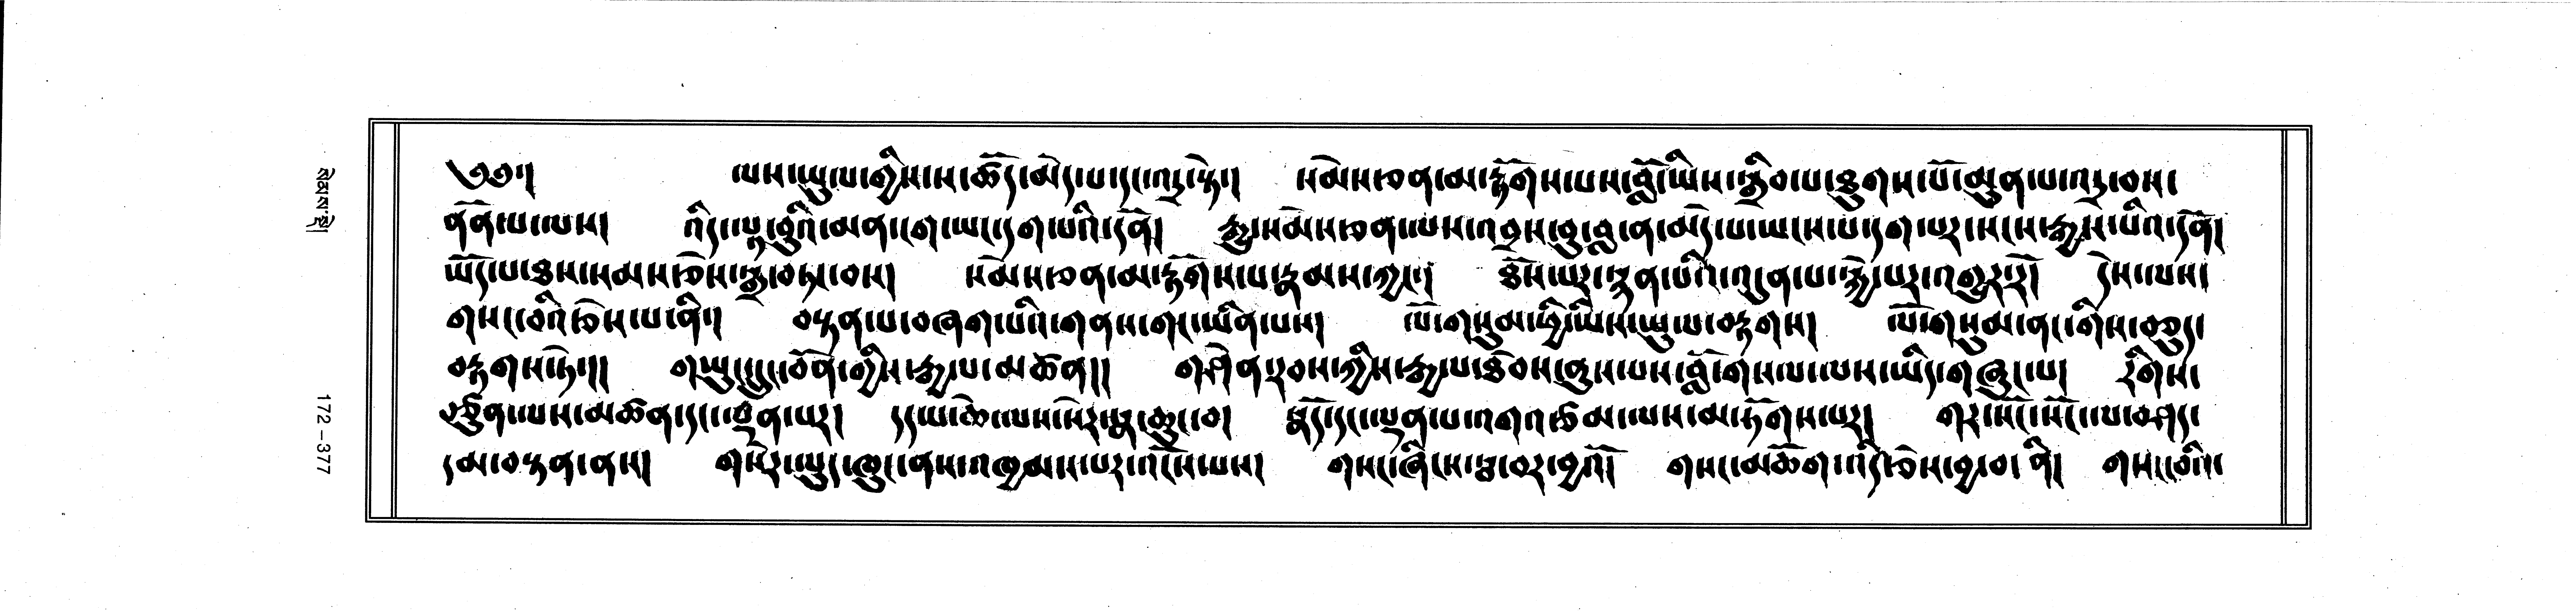ལས་ཡུལ་གྱིས་ས་ཚོད་མེད་པ་དང་འདྲ་སྟེ། སེམས་ཅན་མ་རྟོགས་པས་བློ་ཡིས་སྒྲིབ་པ་ཐུགས་པོ་མུན་པ་འདྲ་བས་
ནོན་པ་ལས། འདི་ལྟ་བུའི་མན་ངག་ཡང་དག་པའི་དོན། རྒྱུ་སེམས་ཅན་ལས་འབྲས་བུ་བླ་ན་མེད་པ་ཡངས་དག་པར་སངས་རྒྱས་པའི་དོན། 
ཡོད་པ་ཐས་སེམས་ཅེས་སྒྲ་བཏང་བས། སེམས་ཅན་མ་རྟོགས་པ་རྣམས་ཀྱང་། ཐོས་པར་སྙན་པའི་འདུན་པ་སྐྱེ་པར་འགྱུར་རོ། དེས་ལས་
གསང་བའི་ཅེས་པ་ནི། བསྟན་པ་བཞག་པའི་གནས་གང་ཡིན་པས། ལོ་གསུམ་ཕྱི་ཡིས་ཡུལ་བརྟགས། ལོ་གསུམ་ནང་གིས་བཅུད་
བརྟགས་ཏེ། གཡུང་དྲུང་བོན་གྱིས་རྒྱལ་མཚན། གཤེན་རབ་ཀྱིས་རྒྱལ་ཐེབས་ནུས་པས་བློ་གསལ་ལས་ཡིད་གཞུང་པ། རིགས་
བཙུན་ལས་མཚན་དང་ལྡན་པར། དད་པ་ཆེ་ལས་སེར་སྣ་ཆུང་བ། སྣོད་དང་ལྡན་པ་འགའ་ཙམ་ལས་མ་ཏོགས་པར། གར་སོང་སོང་ལ་བཤད་
དམ་བསྟན་ནས། གསེར་ལུད་ཁུང་ནས་འཁྱམས་པར་འོངས་པས། གསང་ཞིང་སྦ་བར་བྱའོ། གསང་མཆོག་འདི་ཅེས་བྱ་བ་ནི། གསང་བའི་